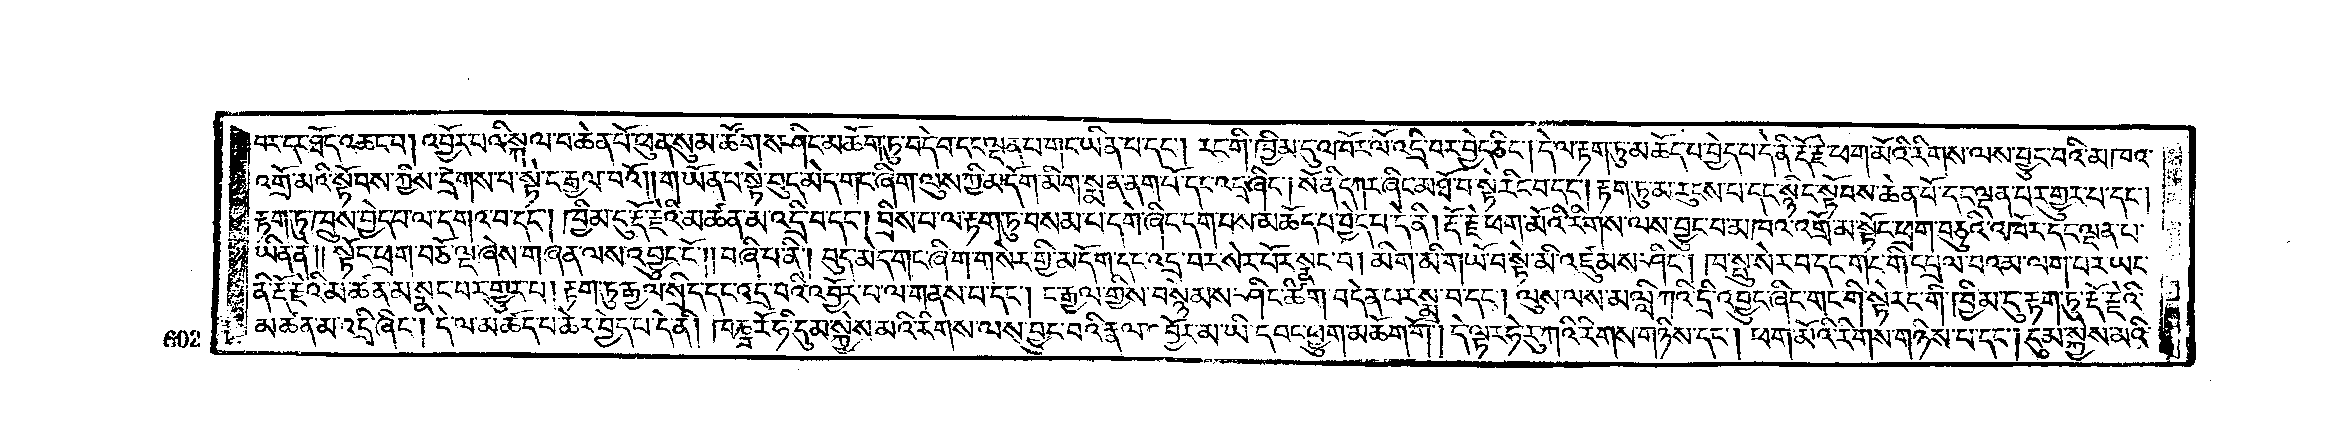བར་དར་ཐོད་འཆང་བ། འབྱོར་པའི་སྐལ་བ་ཆེན་པོ་ཕུན་སུམ་ཚོགས་ཤིང་མཆོག་ཏུ་བདེ་བ་དང་ལྡན་པ་གང་ཡིན་པ་དང་། རང་གི་ཁྱིམ་དུ་འཁོར་ལོ་འདྲི་བར་བྱེད་ཅིང་། དེ་ལ་རྟག་ཏུ་མཆོད་པ་བྱེད་པ་དེ་ནི་རྡོ་རྗེ་ཕག་མོའི་རིགས་ལས་བྱུང་བའི་མཁའ་
འགྲོ་མའི་སྟོབས་ཀྱིས་དྲེགས་པ་སྟེ་ང་རྒྱལ་བའོ། །གཡོན་པ་སྟེ་བུད་མེད་གང་ཞིག་ལུས་ཀྱི་མདོག་མིག་སྨན་ནག་པོ་དང་འདྲ་ཞིང་། སོ་ནི་དཀར་ཞིང་མཐོ་བ་སྟེ་རིང་བ་དང་། རྟག་ཏུ་མ་རུངས་པ་དང་སྙིང་སྟོབས་ཆེན་པོ་དང་ལྡན་པར་གྱུར་པ་དང་།
རྟག་ཏུ་ཁྲུས་བྱེད་པ་ལ་དགའ་བ་དང་། ཁྱིམ་དུ་རྡོ་རྗེའི་མཚན་མ་འདྲི་བ་དང་། བྲིས་པ་ལ་རྟག་ཏུ་བསམ་པ་དགེ་ཞིང་དག་པས་མཆོད་པ་བྱེད་པ་དེ་ནི། རྡོ་རྗེ་ཕག་མོའི་རིགས་ལས་བྱུང་བ་མཁའ་འགྲོ་མ་སྟོང་ཕྲག་བཅུའི་འཁོར་དང་ལྡན་པ་
ཡིན་ནོ། །སྟོང་ཕྲག་བཅོ་ལྔ་ཞེས་གཞན་ལས་འབྱུང་ངོ། །བཞི་པ་ནི། བུད་མེད་གང་ཞིག་གསེར་གྱི་མདོག་དང་འདྲ་བར་སེར་པོར་སྣང་བ། མིག་མི་གཡོ་བ་སྟེ་མི་འཛུམས་ཤིང་། ཁ་སྦུ་སེར་བ་དང་གང་གི་དཔྲལ་བའམ་ལག་པར་ཡང་
ནི་རྡོ་རྗེའི་མ་ཚན་མ་སྣང་བར་གྱུར་པ། རྟག་ཏུ་རྒྱལ་སྲིད་དང་འདྲ་བའི་འབྱོར་པ་ལ་གནས་པ་དང་། ང་རྒྱལ་གྱིས་བསྙེམས་ཤིང་ཚིག་བདེན་པར་སྨྲ་བ་དང་། ལུས་ལས་མལླི་ཀའི་དྲི་འབྱུང་ཞིང་གང་གི་སྟེ་རང་གི་ཁྱིམ་དུ་རྟག་ཏུ་རྡོ་རྗེའི་
མཚན་མ་འདྲི་ཞིང་། དེ་ལ་མཆོད་པ་ཆེར་བྱེད་པ་དེ་ནི། ཁཎྜ་རོ་ཧི་དུ་མ་སྐྱེས་མའི་རིགས་ལས་བྱུང་བའི་རྣལ་འབྱོར་མ་ཡི་དབང་ཕྱུག་མཆོག་གོ། དེ་ལྟར་ཧེ་རུ་ཀའི་རིགས་གཉིས་དང་། ཕག་མོའི་རིགས་གཉིས་པ་དང་། དུམ་སྐྱེས་མའི་